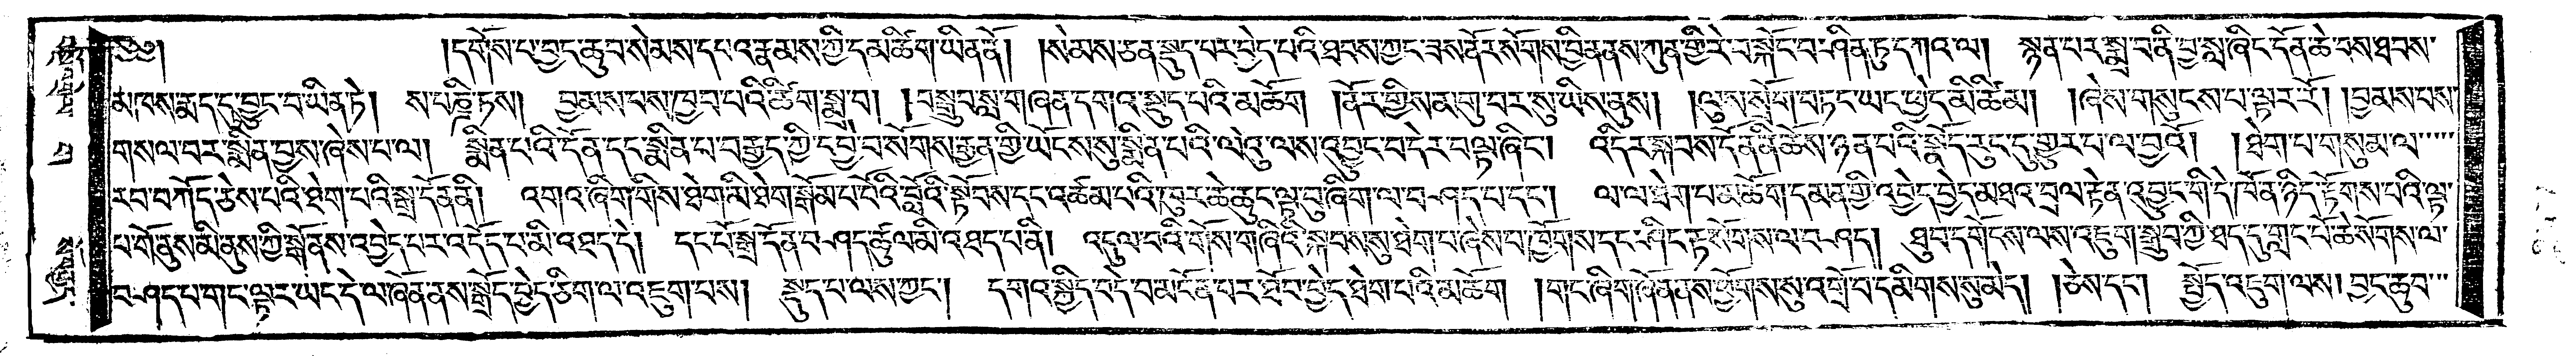༄༅། །དགོས་པ་བྱང་ཆུབ་སེམས་དཔའ་རྣམས་ཀྱི་དམ་ཚིག་ཡིན་ནོ། །སེམས་ཅན་སྡུད་པར་བྱེད་པའི་ཐབས་ཀྱང་ཟས་ནོར་སོགས་བྱིན་ནས་ཀུན་གྱི་རེ་བ་སྐོང་བ་ཤིན་ཏུ་དཀའ་ལ། སྙན་པར་སྨྲ་བ་ནི་བྱ་སླ་ཞིང་དོན་ཆེ་བས་ཐབས་
མཁས་རྨད་དུ་རྒྱུད?་ཡིན་ཏེ། ས་བཎྜི་ཏས། བྱམས་པས་ཁྱབ་པའི་ཚིག་སྨྲ་བ། །བསྒྲུབ་སླ་གཞན་དགའ་སྡུད་པའི་མཆོག །ནོར་གྱིས་མགུ་བར་སུ་ཡིས་ནུས། །ལུས་སྲོག་བཏང་ཡང་ཕྱེད་མི་ཚིམ། །ཞེས་གསུངས་པ་ལྟར་རོ། །བྱམས་པས་
གསལ་བར་སྨིན་བྱས་ཞེས་པ་ལ། སྨིན་པའི་དོན་དང་སྨིན་པ་བརྒྱད་ཀྱི་དབྱེ་བ་སོགས་རྒྱན་གྱི་ཡོངས་སུ་སྨིན་པའི་ལེའུ་ལས་འབྱུང་བ་དེར་བལྟ་ཞིང་། འདིར་སྐབས་དོན་ནི་ཆོས་ཉན་པའི་སྣོད་རུང་དུ་གྱུར་པ་ལ་བྱའོ། །ཐེག་པ་གསུམ་ལ་
རབ་བཀོད་ཅེས་པའི་ཐེག་པའི་སྒྲ་དོན་ནི། འགའ་ཞིག་གིས་ཐེག་མི་ཐེག་སྒོམ་པ་ངོ་འབྲའི?་སྟོབས་དང་འཚམ་པའི་ཁུར་ཆེ་ཆུང་ལྟ་བུ་ཞིག་ལ་བཤད་པ་དང་། ལ་ལ་ཐེག་པ་མཆོག་དམན་གྱི་འབྱེད་བྱེད་མཐའ་བྲལ་རྟེན་འབྱུང་གི་དེ་ཁོ་ན་ཉིད་རྟོགས་པའི་ལྟ་
པ་གོ་ནུས་མི་ནུས་ཀྱི་སྒོ་ནས་འབྱེད་པར་འདོད་པ་མི་འཐད་དེ། དང་པོ་སྒྲ་དོན་བཤད་ཚུལ་མི་འཐད་པ་ནི། འདུལ་བའི་གོས་གཞིའི་སྐབས་སུ་ཐེག་བ་ཞེས་པ་ཁྱོགས་དང་ཤིང་རྟ་སོགས་ལ་བཤད། ཐུབ་དགོངས་ལས་འཇུག་སྒྲུབ་ཀྱི་ཐད་དུ་གླང་པོ་ཆེ་སོགས་ལ་
བཤད་པ་གང་ལྟར་ཡང་དེ་ལ་ཞོན་ནས་སྒྲོད་བྱེད་ཅིག་ལ་འཇུག་པས། སྡུད་པ་ལས་ཀྱང་། དགའ་སྐྱིད་བདེ་བ་མངོན་པར་ཐོབ་བྱེད་ཐེག་པའི་མཆོག །གང་ཞིག་ཞོན་ནས་ཕྱོགས་སུ་འགྲོ་བ་དམིགས་སུ་མེད། །ཅེས་དང་། སྤྱོད་འཇུག་ལས། བྱང་ཆུབ་